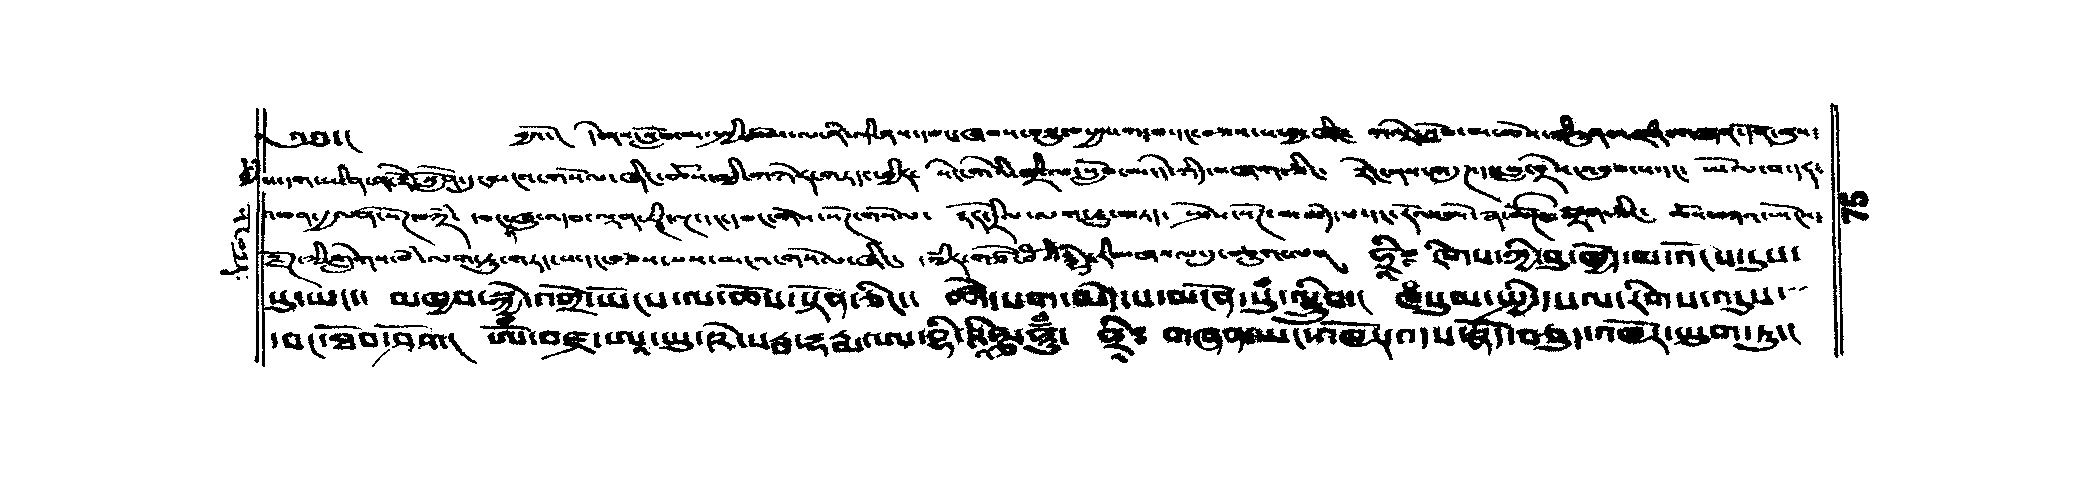བྱའོ། དེ་ནས་སློབ་མ་སྤྱི་ཙམ་ལ་ནི་འདི་ནས་དབང་ཞབས་བསྡུ་བ་རྒྱས་གདབ་དང་བཅས་པ་བྱ་ཞིང་། གལ་ཏེ་སློབ་མ་ཆོས་ཀྱི་ཀུན་འཛིན་གཞན་དོན་ནུས་
པ་དག་ཡིན་ན་རྡོ་རྗེ་སློབ་དཔོན་དུ་མངའ་གསོལ་ཞིང་ཆོས་ཀྱི་གཉེར་གཏད་ཕྱིར། སེང་གེའི་ཁྲི་ལ་སློབ་མ་དེ་ནིད་བཞག་ཅིང་། སྟེང་ནས་གདུགས་དང་བླ་བྲེས་འབུས་པ་དང་། ཡོལ་བ་དར་
འཆན་རྒྱལ་མཚན་སོགས་བཀྲམ། དབང་གཞུ་འདབ་ལྡན་རིགས་ལྔ་དང་དབང་གོས་སོགས་གསོལ། རྡོར་དྲིལ་ལག་ཏུ་གཏད། སྤེས་སོགས་མཆོད་པ་དང་རོལ་མོ་སྣ་ཚོགས་བསྒྲག་ཅིང་། ཆོས་བཀའ་ཡོངས་
རྫོགས་ཀྱི་གླེགས་བམ་ལག་ཏུ་གཏད་པ་དག་བཅས་པས་མངའ་གསོལ་ཞིང་། དཀྱིལ་འཁོར་གཙོ་བོའི་སྐྱེད་རིམ་གསལ་དུ་བཅུག་ལ། ཧྲཱིཿརིགས་ཀྱི་བུ་ཁྱོད་མ་འོང་དུས་
སུ་ཡང་། མཀྱབ་སྐྱེད་འགྲོ་ཡོངས་ལ་ཆོས་སྟོན་ཅིང་། ཚེ་དཔག་མེད་པ་མངོན་སུམ་ལྷུན་གྱིས་གྲུབ། ཁམས་གསུམ་སྤྱི་དཔལ་རིགས་འདུས་
དབང་ཐོབ་ཤོག ཨོཾ་བཛྲ་ཨཱ་ཡུ་རེ་སརྦ་དྷརྨ་ཨ་བྷི་རཱིཉྩ་ཧཱུྃ། ཧྲཱིཿ གཞན་ཡང་འཁོར་འདས་སྣོད་བཅུད་འཁོར་ཡུག་ཏུ་